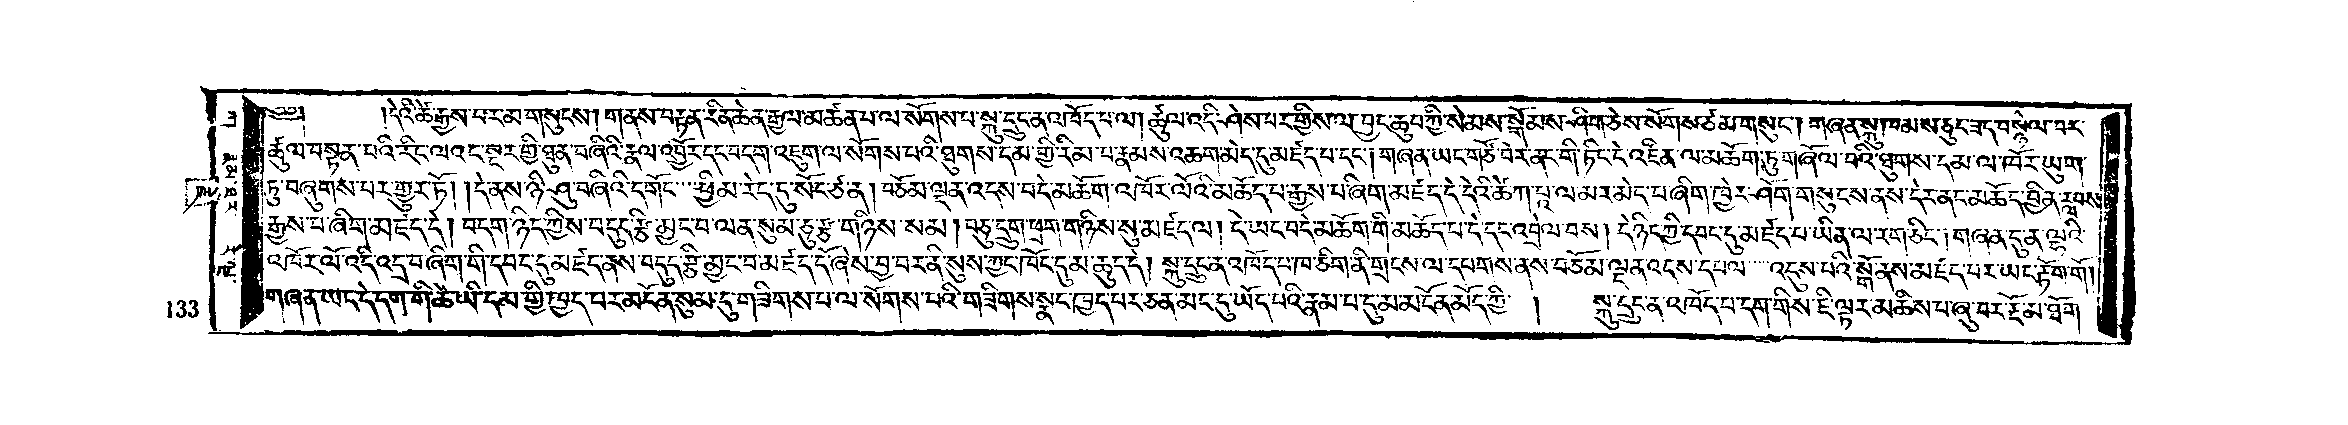༄༅། །དེའི་ཚེ་རྒྱས་པར་མ་གསུངས། གནས་བརྟན་རིན་ཆེན་རྒྱལ་མཚན་པ་ལ་སོགས་པ་སྐུ་དྲུང་ན་འཁོད་པ་ལ། ཚུལ་འདི་ཤེས་པར་གྱིས་ལ་བྱང་ཆུབ་ཀྱི་སེམས་སྒོམས་ཤིག་ཅེས་སོགས་ཙམ་གསུང་། གཞན་སྐུ་ཁམས་ཅུང་ཟད་བསྙེལ་བར་
ཚུལ་བསྟན་པའི་རིང་ལའང་སྔར་གྱི་ཐུན་བཞིའི་རྣལ་འབྱོར་དང་བདག་འཇུག་ལ་སོགས་པའི་ཐུགས་དམ་གྱི་རིམ་པ་རྣམ་འཆག་མེད་དུ་མཛད་པ་དང་། གཞན་ཡང་གཙོ་བོར་ནང་གི་ཏིང་ངེ་འཛིན་ལ་མཆོག་ཏུ་གཞོལ་བའི་ཐུགས་དམ་ལ་ཁོར་ཡུག་
ཏུ་བཞུགས་པར་གྱུར་ཏོ། །དེ་ནས་ཉི་ཤུ་བཞིའི་དགོང་ཕྱི་མ་རེད་དུ་སོང་ཙ་ན། བཅོམ་ལྡན་འདས་བདེ་མཆོག་འཁོར་ལོའི་མཆོད་པ་རྒྱས་པ་ཞིག་མཛད་དེ་དེའི་ཚེ་ཀ་པཱ་ལ་མར་མེད་པ་ཞིག་ཁྱེར་ཤོག་གསུངས་ནས་དེར་ནང་མཆོད་བྱིན་རླབས་
རྒྱས་པ་ཞིག་མཛད་དེ། བདག་ཉིད་ཀྱིས་བདུད་རྩི་མྱང་བ་ལན་སུམ་ཅུ་རྩ་གཉིས་སམ། བཅུ་དྲུག་ཕྲག་གཉིས་སུ་མཛད་ལ། དེ་ཡང་བདེ་མཆོག་གི་མཆོད་པ་དེ་དང་འབྲེལ་བས། དེ་ཉིད་ཀྱི་དབང་དུ་མཛད་པ་ཡིན་ལ་རག་ཅིང་། གཞན་དུ་ན་ལྷའི་
འཁོར་ལོ་འདི་འདྲ་བ་ཞིག་གི་དབང་དུ་མཛད་ནས་བདུད་རྩི་མྱང་བ་མཛད་དོ་ཞེས་བྱ་བར་ནི་སུས་ཀྱང་ཁོང་དུ་མ་ཆུད་དེ། སྐུ་དྲུང་ན་འཁོད་པ་ཁ་ཅིག་ནི་གྲངས་ལ་དཔགས་ནས་བཅོམ་ལྡན་འདས་དཔལ་འདུས་པའི་སྒོ་ནས་མཛད་པར་ཡང་རྟོག་གོ།
གཞན་ཡང་དེ་དག་གི་ཚེ་ཡི་དམ་གྱི་ཁྱད་པར་མངོན་སུམ་དུ་གཟིགས་པ་ལ་སོགས་པའི་གཟིགས་སྣང་ཁྱད་པར་ཅན་མང་དུ་ཡོད་པའི་རྣམ་པ་དུ་མ་མངོན་མོད་ཀྱི། སྐུ་དྲུང་ན་འཁོད་པ་དག་གིས་ཇི་ལྟར་མཆིས་པ་ཞུ་བར་རྔོ་མ་ཐོག་